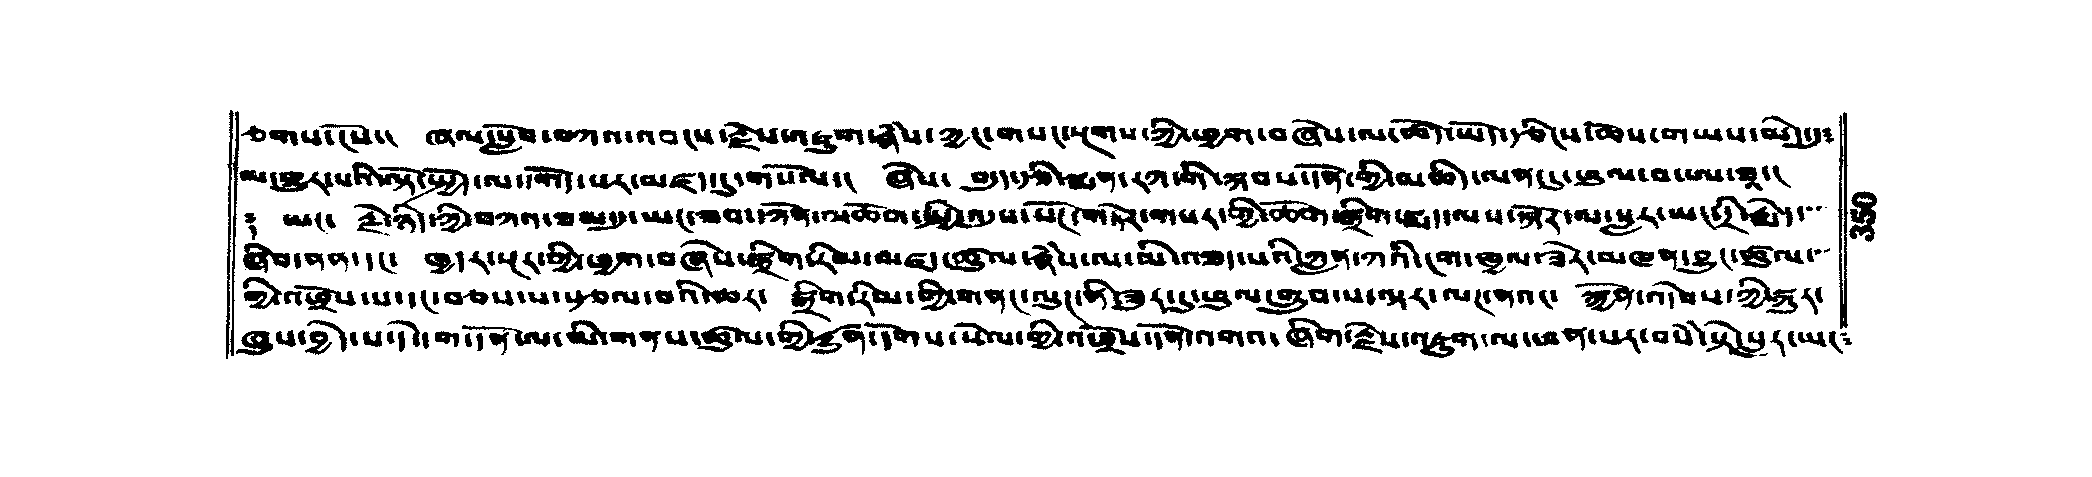ཅགས་ངོས། ཞལ་སློབ་བཀའ་འབངས་རྗེས་འཇུག་རྣམས་ཀྱང་གསང་སྔགས་ཀྱི་ཕྱག་བཞེས་ལ་ཚོད་ཡོད་རྩིངས་ཆོས་གཡས་མེད་དུ་
མ་གྱུར་པའི་ལྟོ་སྤྱོད་ལ་འགོད་པར་མཛད་དུ་གསོལ། ཞེས་བདུད་རྩི་སྨན་རག་གི་སྐབས་དོན་གྱི་མཆིད་ལན་དུ་ཕུལ་བ་ཨ་ཐཱ། 
༈ ཡང་རྗེ་ཉིད་ཀྱི་བཀའ་ཐམ་དུ་ཡང་ཟབ་དཀོན་མཆོག་སྤྱི་འདུས་སོགས་གཏེར་གསར་གྱི་ཆོག་སྒྲིག་སྨད་ལས་སྐོར་ལ་སླར་ཡང་དྲི་རྨེད་
ཞིབ་ནན་དང་། ཁྱད་པར་སྔར་གྱི་ཕྱག་བཞེས་སྒྲིག་རིམ་མཛད་ཚུལ་རྣམ་ལ་མི་འཐད་པའི་ཀླན་ཀའི་ངག་འཁྱལ་ཟེར་མཁན་བྱུང་ཚུལ་
གྱི་འཕྲོས་པ་དང་བཅས་པ་སྩལ་བའི་ཆར། སྒྲིག་རིམ་གྱི་གནས་ལུགས་ནི་ཟུར་དུ་ཕུལ་གྲུབ་པ་ལྟར་ལགས་ནའང་། སྐྱོན་འདེབས་ཀྱི་སྐུར་
ཞུས་བྱེད་པ་དེ་དག་དོན་ལ་མི་གནས་ཚུལ་གྱི་རྒྱུ་མཚན་དོགས་སེལ་གྱི་འཕྲོས་དོན་འགའ་ཞིག་རྗེས་འཇུག་ལ་ཕན་པར་བསམ་སྟེ་སླར་ཡང་